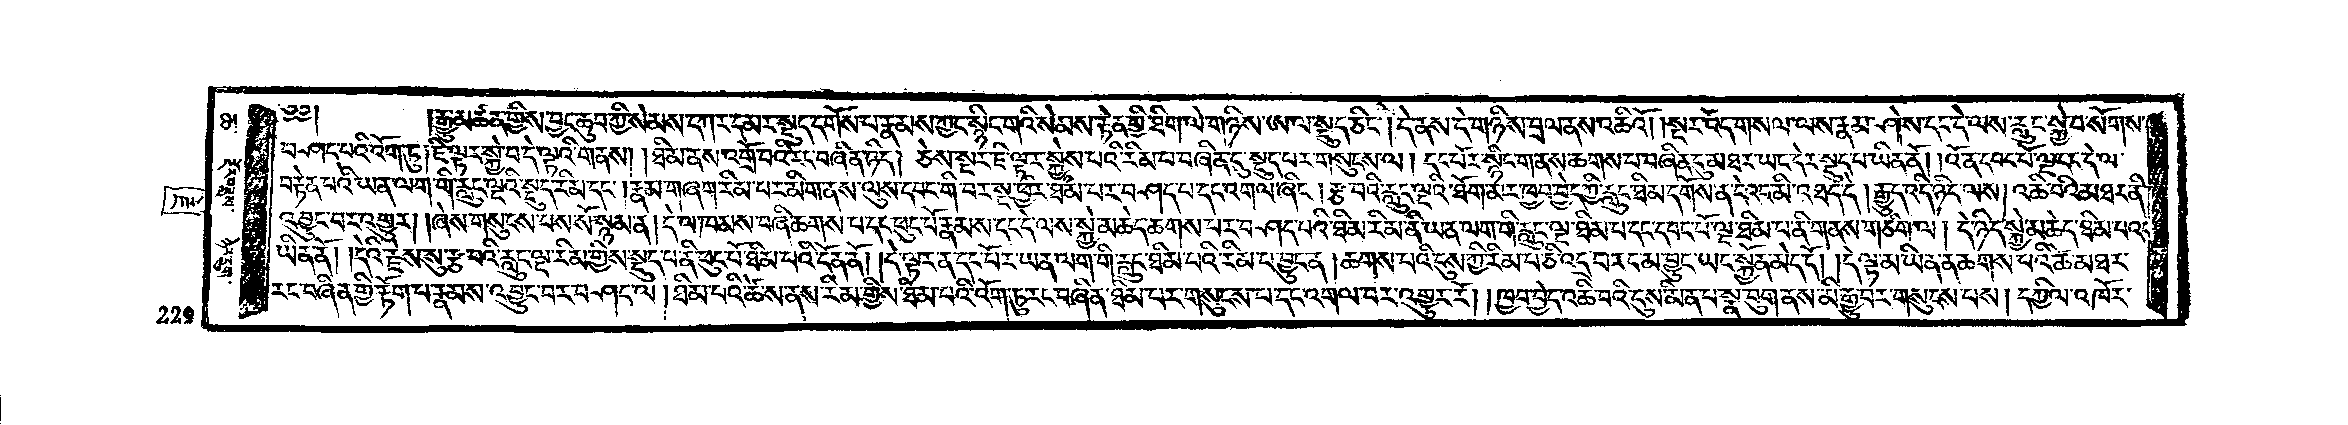༄༅། །རྒྱུ་མཚན་གྱིས་བྱང་ཆུབ་ཀྱི་སེམས་དཀར་དམར་སྡུད་དགོས་པ་རྣམས་ཀྱང་སྙིང་གའི་སེམས་རྟེན་གྱི་ཐིག་ལེ་གཉིས་ཨ་ལ་སྡུད་ཅིང་། དེ་ནས་དེ་གཉིས་བྲལ་ནས་འཆིའོ། །སྔར་འོད་གསལ་ལས་རྣམ་ཤེས་དང་དེ་ལས་རླུང་སྐྱེ་བ་སོགས་
བཤད་པའི་འོག་ཏུ། ཇི་ལྟར་སྐྱེ་བ་དེ་ལྟའི་གནས། །ཐིམ་ནས་འགྲོ་བའི་རང་བཞིན་ཉིད། ཅེས་སྔར་ཇི་ལྟར་སྐྱེས་པའི་རིམ་པ་བཞིན་དུ་སྡུད་པར་གསུངས་ལ། དང་པོར་སྙིང་ག་ནས་ཆགས་པ་བཞིན་དུ་མཐར་ཡང་དེར་སྡུད་པ་ཡིན་ནོ། །འོ་ན་དབང་པོ་ལྔ་དང་དེ་ལ་
བརྟེན་པའི་ཡན་ལག་གི་རླུང་ལྔའི་སྡུད་རིམ་དང་། རྣམ་གཞག་རིམ་པར་མིག་ནས་ལུས་དབང་གི་བར་སྔ་ཕྱིར་ཐིམ་པར་བཤད་པ་དང་འགལ་ཞིང་། རྩ་བའི་རླུང་ལྔའི་ཐོག་མར་ཁྱབ་བྱེད་ཀྱི་རླུང་ཐིམ་དགོས་ན་དེའང་མི་འཐད་དེ། རྒྱུད་འདི་ཉིད་ལས། འཆི་བའི་མཐར་ནི་
འབྱུང་བར་འགྱུར། །ཞེས་གསུངས་པས་སོ་སྙམ་ན། དེ་ལ་ཁམས་བཞི་ཆགས་པ་དང་ཕུང་པོ་རྣམས་དང་དེ་ལས་སྐྱེ་མཆེད་ཆགས་པར་བཤད་པའི་ཐིམ་རིམ་ནི་ཡན་ལག་གི་རླུང་ལྔ་ཐིམ་པ་དང་དབང་པོ་ལྔ་ཐིམ་པ་ནི་གནས་གཅིག་ལ། དེ་ཉིད་སྐྱེ་མཆེད་ཐིམ་པའང་
ཡིན་ནོ། །དེའི་རྗེས་སུ་རྩ་བའི་རླུང་ལྔ་རིམ་གྱིས་སྡུད་པ་ནི་ཕུང་པོ་ཐིམ་པའི་དོན་ནོ། །དེ་ལྟར་ན་དང་པོར་ཡན་ལག་གི་རླུང་ཐིམ་པའི་རིམ་པ་བྱུང་ན། ཆགས་པའི་དུས་ཀྱི་རིམ་པ་ཅི་འདྲ་བ་རང་མ་བྱུང་ཡང་སྐྱོན་མེད་དོ། །དེ་ལྟ་མ་ཡིན་ན་ཆགས་པའི་ཚེ་མཐར་
རང་བཞིན་གྱི་རྟོག་པ་རྣམས་འབྱུང་བར་བཤད་ལ། ཐིམ་པའི་ཚེ་ས་ནས་རིམ་གྱིས་ཐིམ་པའི་འོག་ཏུ་རང་བཞིན་ཐིམ་པར་གསུངས་པ་དང་འགལ་བར་འགྱུར་རོ། །ཁྱབ་བྱེད་འཆི་བའི་དུས་མིན་པ་སྣ་བུག་ནས་མི་རྒྱུ་བར་གསུངས་པས། དཀྱིལ་འཁོར་